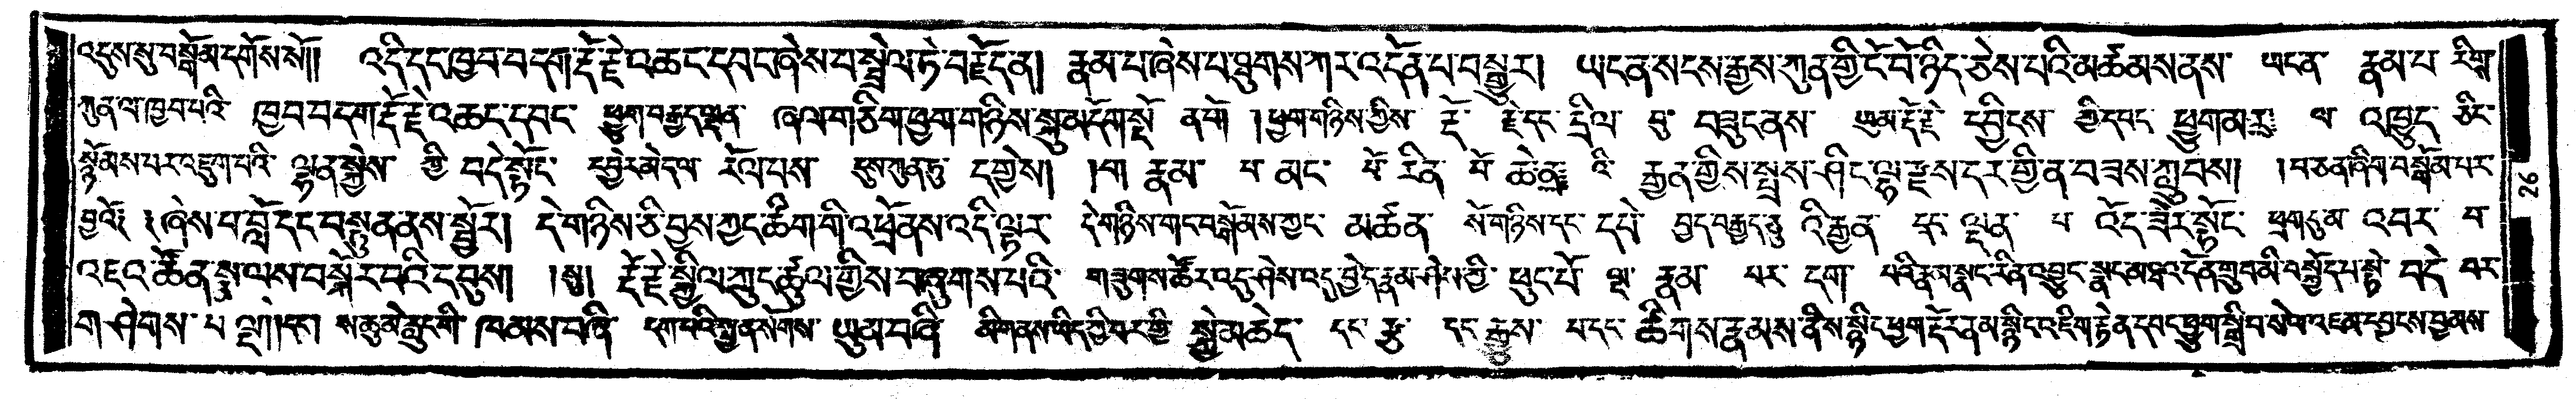འདུས་སུ་བསྒོམ་དགོས་སོ།། འདི་དང་ཁྱབ་བདག་རྡོ་རྗེ་འཆང་དབང་ཞེས་པ་སྦྲེལ་ཏེ་བརྗོད་ན། རྣམ་པ་ཞེས་པ་ཐུགས་ཀར་འདོན་པ་བསྒྱུར། ཡང་ན་སངས་རྒྱས་ཀུན་གྱི་ངོ་བོ་ཉིད་ཅེས་པའི་མཚམས་ནས་ཡང་ན་རྣམ་པ་རིགས་
ཀུན་ལ་ཁྱབ་པའི་ཁྱབ་བདག་རྡོ་རྗེ་འཆང་དབང་ཕྱུག་བརྒྱད་ལྡན་ཞལ་གཅིག་ཕྱག་གཉིས་སྐུ་མདོག་སྔོན་པོ། །ཕྱག་གཉིས་ཀྱིས་རྡོ་རྗེ་དང་དྲིལ་བུ་བཟུང་ནས་ཡུམ་རྡོ་རྗེ་དབྱིངས་ཀྱི་དབང་ཕྱུག་མར་ལ་འཁྱུད་ཅིང་
སྙོམས་པར་འཇུག་པའི་ལྷན་སྐྱེས་ཀྱི་བདེ་སྟོང་དབྱེར་མེད་ལ་རོལ་པས་དུས་ཀུན་ཏུ་དགྱེས། །བ། རྣམ་པ་མང་པོ་རིན་པོ་ཆེ་ནའི་རྒྱན་གྱིས་སྤྲས་ཤིང་ལྷ་རྫས་དར་གྱི་ན་བཟས་ཀླུབས། །བ་ཅན་ཞིག་བསྒོམ་པར་
བྱའོ༑ ༑ཞེས་པ་བློ་དང་བསྟུན་ནས་སྦྱོར། དེ་གཉིས་ཅི་བྱས་ཀྱང་ཚིག་གི་འཕྲོ་ནས་འདི་ལྟར་དེ་གཉིས་གང་བསྒོམས་ཀྱང་མཚན་སོ་གཉིས་དང་དཔེ་བྱད་བརྒྱད་ཅུའི་རྒྱན་དང་ལྡན་པ་འོད་ཟེར་སྟོང་ཕྲག་དུ་མ་འབར་བ་
འཇའ་ཚོན་སྣ་ལས་བསྐོར་བའི་དབུས། །སུ། རྡོ་རྗེ་སྐྱིལ་ཀྲུང་ཚུལ་གྱིས་བཞུགས་པའི་གཟུགས་ཚོར་འདུ་ཤེས་འདུ་བྱེད་རྣམ་ཤེས་ཀྱི་ཕུང་པོ་ལྔ་རྣམ་པར་དག་པའི་རྣམ་སྣང་རིན་འབྱུང་སྣང་མཐའ་དོན་གྲུབ་མི་བསྐྱོད་པ་སྟེ་བདེ་བར་
གཤེགས་པ་ལྔ། །དང་། ས་ཆུ་མེ་རླུང་གི་ཁམས་བཞི་དག་པའི་སྤྱན་སོགས་ཡུམ་བཞི་མི་གནས་ཡིད་ཀྱི་བར་གྱི་སྐྱེ་མཆེད་དང་རྩ་དང་རྒྱུས་པ་དང་ཚིགས་རྣམས་ནི་ས་སྙིང་ཕྱག་རྡོར་རྣམ་སྙིང་འཇིག་རྟེན་དབང་ཕྱུག་སྒྲིབ་སེལ་འཇམ་དབྱངས་བྱམས་